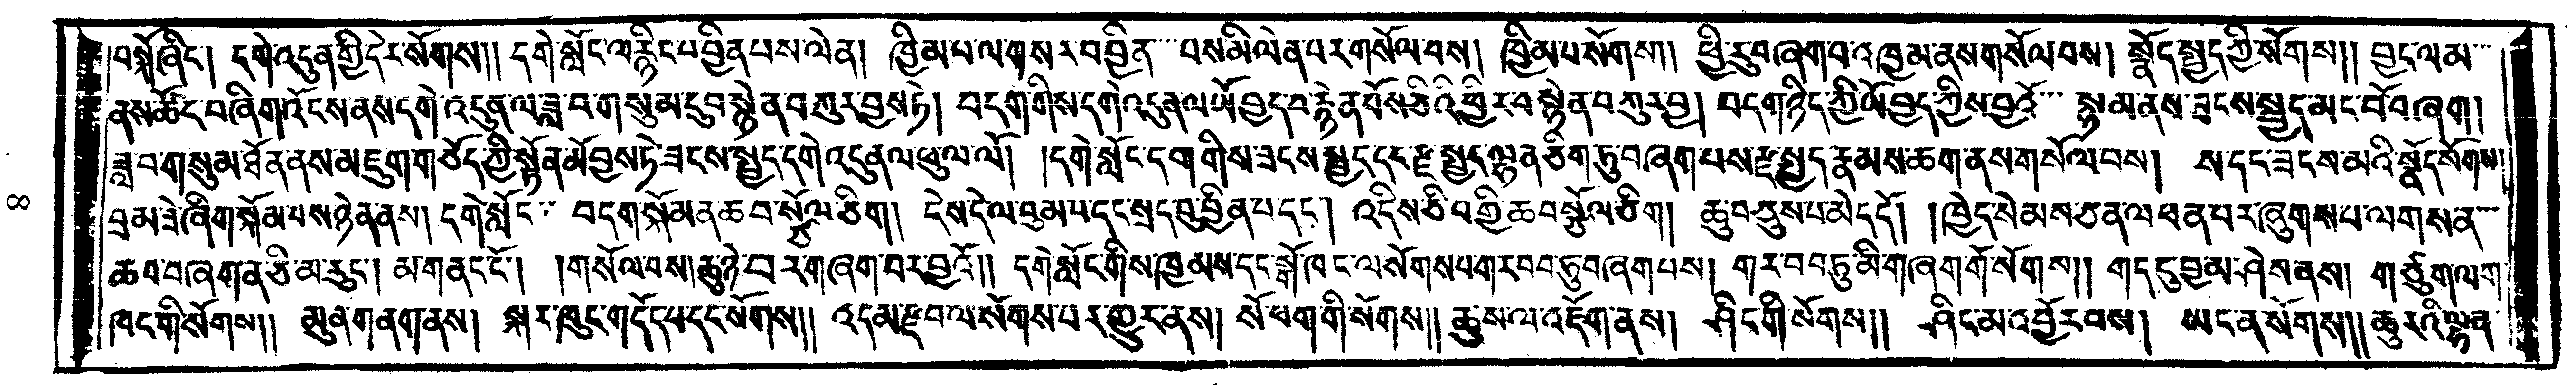བསྐོ་ཞིང་། དགེ་འདུན་གྱི་དེར་སོགས།། དགེ་སློང་ལ་རྙིང་པ་བྱིན་པས་ལེན། ཁྱིམ་པ་ལ་གསར་བ་བྱིན་པས་མི་ལེན་པར་གསོལ་བས། ཁྱིམ་པ་སོགས།། ཕྱི་རུ་བཞག་བ་འཁྱམ་ནས་གསོལ་བས། སྣོད་སྤྱད་ཀྱི་སོགས།། བྱང་ལམ་
ནས་ཚོང་བཞིག་འོངས་ནས་དགེ་འདུན་ལ་ཟླ་བ་གསུམ་དུ་བསྙེན་བཀུར་བྱས་ཏེ། བདག་གིས་དགེ་འདུན་ལ་ཡོ་བྱད་བརྙེན་པོས་ཅིའི་ཕྱིར་བསྙེན་བཀུར་བྱ། བདག་ཉིད་ཀྱི་ཡོ་བྱད་ཀྱིས་བྱའོ་སྙམ་ནས་ཟངས་སྤྱད་མང་བོ་བཞག།
ཟླ་བ་གསུམ་ཐོན་ནས་མཇུག་གཅོད་ཀྱི་སྟོན་མོ་བྱས་ཏེ་ཟངས་སྤྱད་དགེ་འདུན་ལ་ཕུལ་ལོ། །དགེ་སློང་དག་གིས་ཟངས་སྤྱད་དང་རྫ་སྤྱད་ལྷན་ཅིག་ཏུ་བཞག་པས་རྫ་སྤྱད་རྣམས་ཆག་ནས་གསོལ་བས། ས་དང་ཟངས་མའི་སྣོད་སོགས་
བྲམ་ཟེ་ཞིག་སྐོམ་པས་ཉེན་ནས། དགེ་སློང་བདག་སྐོམ་ན་ཆབ་སྩོལ་ཅིག། དེས་དེ་ལ་བུམ་པ་དང་སྲད་བུ་བྱིན་པ་དང་། འདིས་ཅི་བགྱི་ཆབ་སྩོལ་ཅིག། ཆུ་བཅུས་པ་མེད་དོ། །ཁྱེད་སེམས་ཅན་ལ་ཕན་པར་ཞུགས་པ་ལགས་ན་
ཆབ་བཞག་ན་ཅི་མ་རུང་། མ་གནང་ངོ། །གསོལ་བས། ཆུ་ཉེ་བར་གཞག་པར་བྱའོ།། དགེ་སློང་གིས་ཁྱམས་དང་སྒོ་ཁང་ལ་སོགས་པ་གར་བབ་ཏུ་བཞག་པས། གར་བབ་ཏུ་མི་གཞག་གོ་སོགས།། གང་དུ་བྱ་མ་ཤེས་ནས། གཙུག་ལག་
ཁང་གི་སོགས།། མུན་གནག་ནས། སྐར་ཁུང་གདོད་པ་དང་སོགས།། འདམ་རྫབ་ལ་སོགས་པར་གྱུར་ནས། སོ་ཕག་གི་སོགས།། ཆུ་ས་ལ་འཇོག་ནས། ཤིང་གི་སོགས།། ཤིང་མ་འབྱོར་བས། ཡང་ན་སོགས།། ཆུ་རའི་ལྷན་